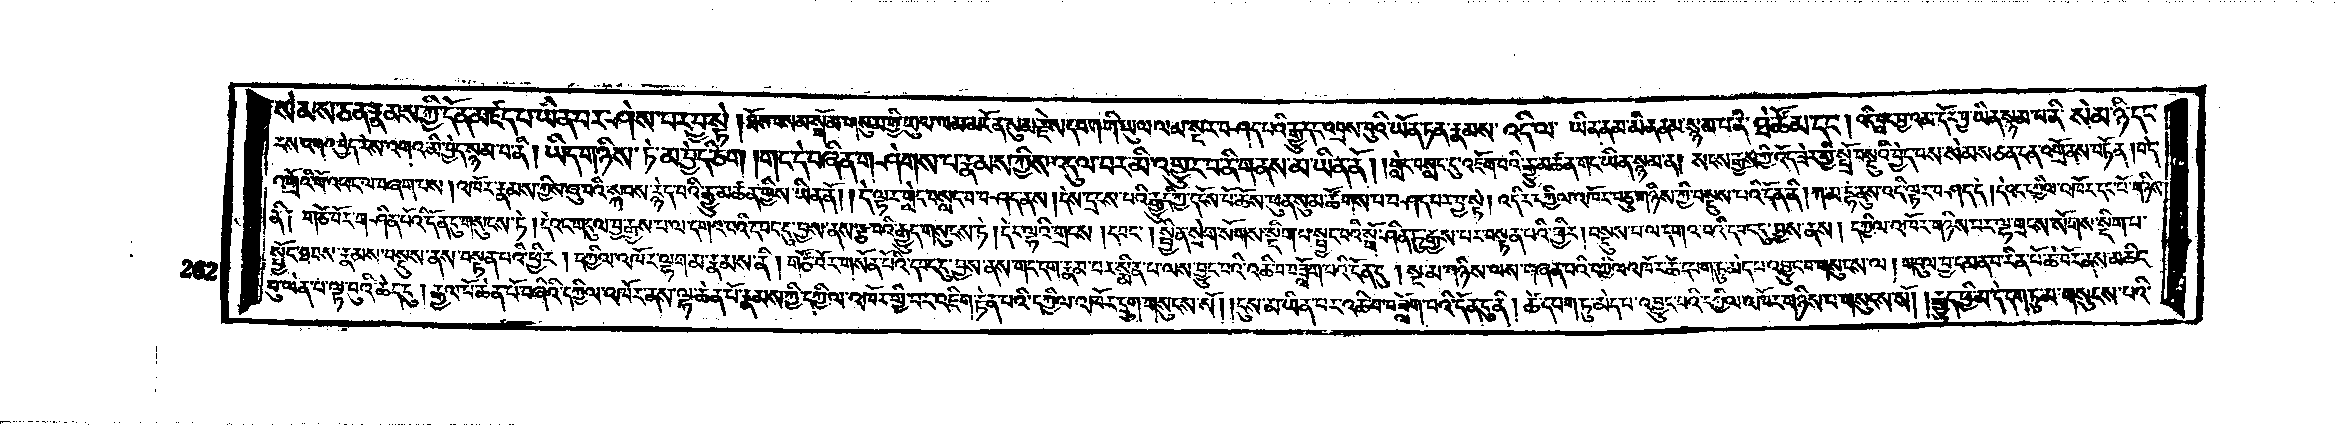སེམས་ཅན་རྣམས་ཀྱི་དོན་མཛད་པ་ཡིན་པར་ཤེས་པར་བྱ་སྟེ། ཐོས་བསམ་སྒོམ་གསུམ་གྱི་ཡུལ་ལམ་མངོན་སུམ་རྗེས་དཔག་གི་ཡུལ་ལམ་སྔར་བཤད་པའི་རྒྱུ་དང་འབྲས་བུའི་ཡོན་ཏན་རྣམས་འདི་ལ་ཡིན་ནམ་མིན་ནམ་སྙམ་པ་ནི་ཐེ་ཚོམ་དང་། འདི་བླང་བྱ་འམ་དོར་བྱ་ཡིན་སྙམ་པ་ནི་སེམས་ཉི་དང་
རེས་འགའ་བྱེད་རེས་འགའ་མི་བྱེད་སྙམ་པ་ནི།  ཡིད་གཉིས་ཏེ་མ་བྱེད་ཅིག །གང་དེ་བཞིན་གཤེགས་པ་རྣམས་ཀྱིས་འདུལ་བར་མི་འགྱུར་བ་ནི་གནས་མ་ཡིན་ནོ། །གླེང་བསླང་དུ་འཇོག་པའི་རྒྱུ་མཚན་གང་ཡིན་སྙམ་ན། སངས་རྒྱས་ཀྱི་འོད་ཟེར་གྱི་སྤྲོ་བསྡུའི་བྱེད་པས་སེམས་ཅན་ངན་འགྲོ་ནས་བཏོན། བདེ་
འགྲོའི་གོ་འཕང་ལ་བཞག་པས། འཁོར་རྣམས་ཀྱིས་ཞུ་བའི་སྐབས་རྙེད་པའི་རྒྱུ་མཚན་གྱིས་ཡིན་ནོ། །དེ་ལྟར་གླེང་བསླང་བ་བཤད་ནས། དེས་དྲངས་པའི་རྒྱུད་ཀྱི་དངོས་པོ་ཆོས་ཕུན་སུམ་ཚོགས་པ་བཤད་པར་བྱ་སྟེ། འདིར་དཀྱིལ་འཁོར་བཅུ་གཉིས་ཀྱི་བསྡུས་པའི་དོན་ནི། ཀ་མ་དྷེ་ནུས་འདི་ལྟར་བཤད་དེ། དེའང་དཀྱིལ་འཁོར་དང་པོ་གཉིས་
ནི། གཙོ་བོར་གཤིན་པོའི་དོན་དུ་གསུངས་ཏེ། དེའང་གདུལ་བྱ་རྒྱས་པ་ལ་དགའ་བའི་དབང་དུ་བྱས་ནས་རྩ་བའི་རྒྱུད་གསུངས་ཏེ། དེར་ལྷའི་གྲངས། དབང་།སྦྱིན་སྲེག་སོགས་སྡིག་པ་སྦྱང་བའི་སྒོ་ཤིན་ཏུ་རྒྱས་པར་བསྟན་པའི་ཕྱིར། བསྡུས་པ་ལ་དགའ་བའི་དབང་དུ་བྱས་ནས། དཀྱིལ་འཁོར་གཉིས་པར་ལྷ་གྲངས་སོགས་སྡིག་པ་
སྦྱོང་ཐབས་རྣམས་བསྡུས་ནས་བསྟན་པའི་ཕྱིར། དཀྱིལ་འཁོར་ལྷག་མ་རྣམས་ནི། གཙོ་བོར་གསོན་པོའི་དབང་དུ་བྱས་ནས་གང་དག་རྣམ་པར་སྨིན་པ་ལས་བྱུང་བའི་འཆི་བ་བཟློག་པའི་དོན་དུ། སྔ་མ་གཉིས་ལས་གཞན་པའི་དཀྱིལ་འཁོར་ཚེ་དཔག་ཏུ་མེད་པ་འབྱུང་བ་གསུངས་ལ། གདུལ་བྱ་དམན་པ་རིན་པོ་ཆེ་བོར་ནས་མཆིང་
བུ་ལེན་པ་ལྟ་བུའི་ཆེད་དུ། རྒྱལ་པོ་ཆེན་པོ་བཞིའི་དཀྱིལ་འཁོར་ནས་ལྷ་ཆེན་པོ་རྣམས་ཀྱི་དཀྱིལ་འཁོར་གྱི་བར་འཇིག་རྟེན་པའི་དཀྱིལ་འཁོར་དྲུག་གསུངས་སོ། །དུས་མ་ཡིན་པར་འཆི་བ་བཟློག་པའི་དོན་དུ་ནི། ཚེ་དཔག་ཏུ་མེད་པ་འབྱུང་བའི་དཀྱིལ་འཁོར་གཉིས་པ་གསུངས་སོ། །རྒྱུད་ཕྱི་མ་དེ་དག་ཏུ་མ་གསུངས་པའི་